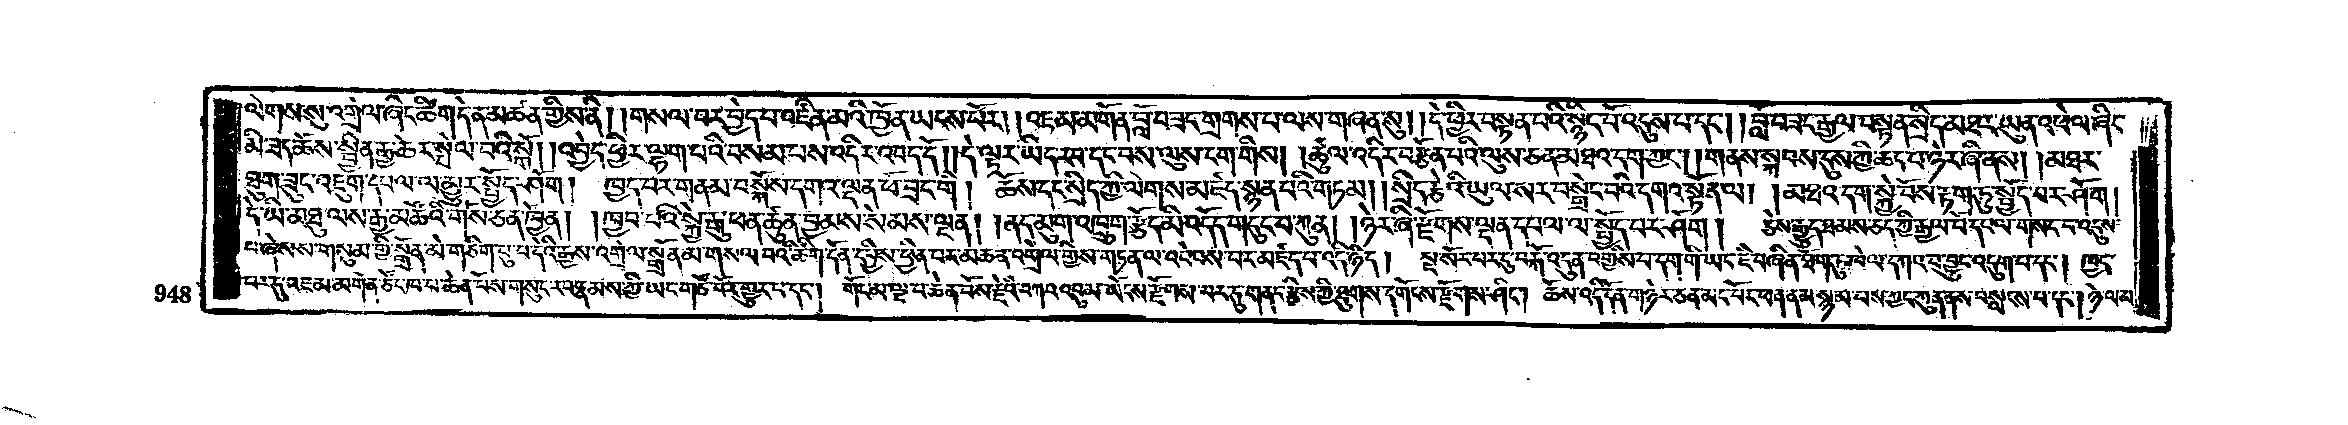ལེགས་སུ་འགྲེལ་ཞིང་ཚིག་དོན་མཚན་གྱིས་ནི། །གསལ་བར་བྱེད་པ་འཛིན་མའི་ཁྱོན་ཡངས་པོར། །འཇམ་མགོན་བློ་བཟང་གྲགས་པ་ལས་གཞན་སུ། །དེ་ཕྱིར་བསྟན་པའི་སྙིང་པོ་འདུས་པ་དང་། །བློ་བཟང་རྒྱལ་བསྟན་སྲིད་མཐར་ཡུན་འཕེལ་ཞིང་
མི་ཟད་ཆོས་སྦྱིན་རྒྱ་ཆེར་སྤེལ་བའི་སྒོ། །འབྱེད་ཕྱིར་ལྷག་པའི་བསམ་པས་འདིར་འབད་དོ། །དེ་ལྟར་ཡིད་རབ་དང་བས་ལུས་ངག་གིས། །ཚུལ་འདིར་བརྩོན་པའི་ལུས་ཅན་མཐའ་དག་ཀྱང་། །གནས་སྐབས་དུས་ཀྱི་ཆད་པ་ཉེར་ཞི་ནས། །མཐར་
ཐུག་ཟུང་འཇུག་དཔལ་ལ་མྱུར་སྤྱོད་ཤོག །ཁྱད་པར་གནམ་བསྐོས་དགའ་ལྡན་ཕོ་བྲང་གི །ཆོས་དང་སྲིད་ཀྱི་ལེགས་མཛད་སྙན་པའི་གཏམ། །སྲིད་རྩེའི་ཡུལ་སེར་བསྒྲེང་བའི་དགའ་སྟོན་ལ། །མཐའ་དག་སྐྱེ་བོས་རྟག་ཏུ་སྤྱོད་པར་ཤོག །
དེ་ཡི་མཐུ་ལས་རྒྱ་མཚོའི་གོས་ཅན་ཁྱོན། །ཁྱབ་པའི་སྐྱེ་རྒུ་ཕན་ཚུན་བྱམས་སེམས་ལྡན། །ནད་མུག་འཁྲུག་རྩོད་མི་འདོད་གདུང་བ་ཀུན། །ཉེར་ཞི་རྫོགས་ལྡན་དཔལ་ལ་སྤྱོད་པར་ཤོག ། ཅེས་རྒྱུད་ཐམས་ཅད་ཀྱི་རྒྱལ་པོ་དཔལ་གསང་བ་འདུས་
པ་ཞེས་ས་གསུམ་གྱི་སྒྲོན་མེ་གཅིག་པུ་པ་དེའི་རྒྱས་འགྲེལ་སྒྲོན་མ་གསལ་བའི་ཚིག་དོན་དཔྱིས་ཕྱིན་པར་མཚན་འགྲེལ་གྱིས་གཏན་ལ་འབེབས་པར་མཛད་པ་འདི་ཉིད། སྔ་སོར་པར་དུ་བརྐོ་འདུན་བགྱིས་པ་དག་གི་ཡང་ཇི་བཞིན་ཐོག་ཏུ་ཁེལ་དཀའ་བ་བྱུང་འདུག་པ་དང་། ཁྱད་
པར་དུ་འཇམ་མགོན་ཙོང་ཁ་པ་ཆེན་པོས་གསུང་རབ་རྣམས་ཀྱི་ཡང་གཙོ་བོར་གྱུར་པ་དང་། གོང་མ་ལྔ་པ་ཆེན་པོས་རྗེའི་བཀའ་འབུམ་ཡོངས་རྫོགས་པར་དུ་གནད་རྩིས་ཀྱི་ཐུགས་དགོངས་རྫོགས་ཤིང་། ཆོས་འདི་དོན་གཉེར་ཅན་མང་པོར་ཕན་ནམ་སྙམ་པས་ཀྱང་ཀུན་ནས་བསླངས་པ་དང་། ཉེ་ལམ་